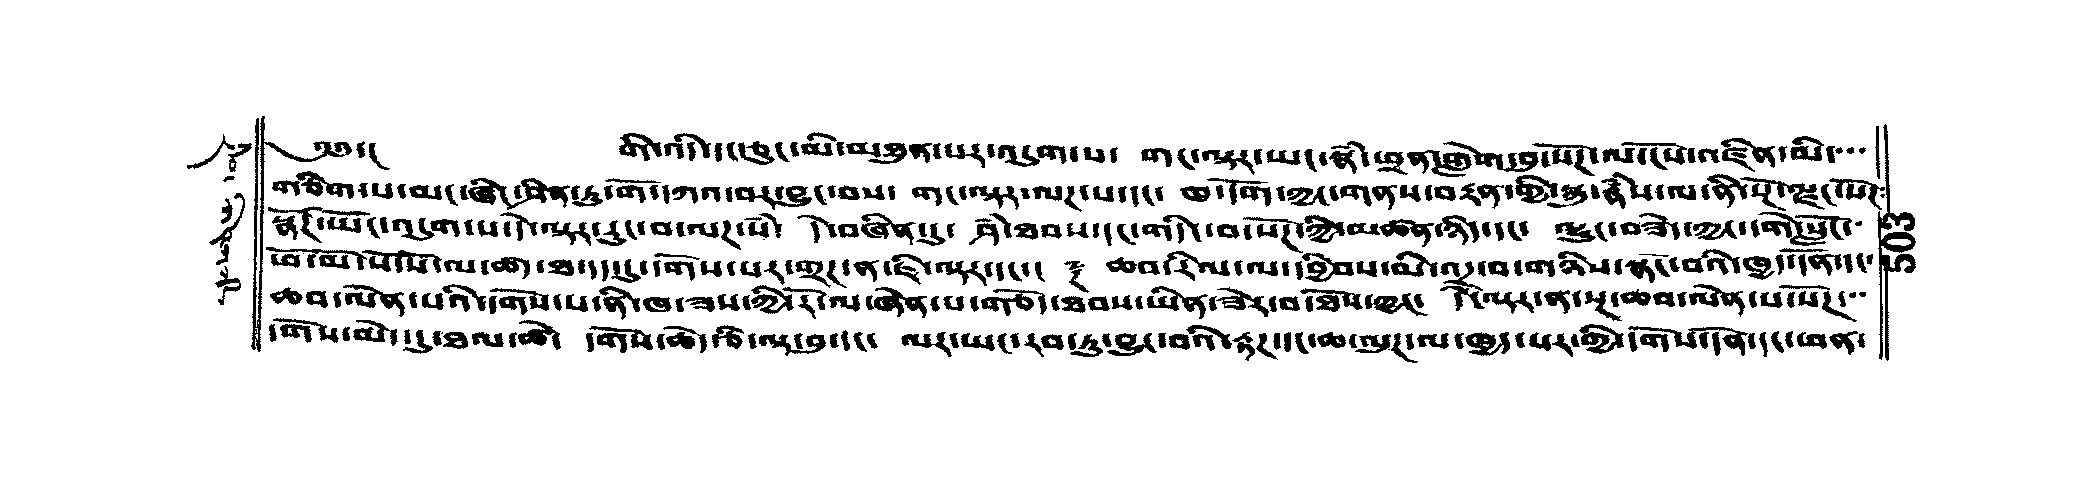གི་འདི་དང་ཅུང་མི་མཐུན་པར་འདུག་པ། གང་ལྟར་ཡང་སྣམ་ཕྲན་གླེགས་བུ་སོགས་ལ་ངོས་འཛིན་མི་
གཅིག་པ་མང་ཞིང་ཤིན་ཏུ་གོ་དཀའ་བར་བྱུང་བས། གང་ལྟར་ལགས་པ་དང་། ཁ་དོག་ཀྱང་གནས་བརྟན་གྱི་སྐུ་རྣམས་ལ་ནི་སྔོ་ལྗང་སོགས་
སྣ་ཚོགས་ཡོང་འདུག་པ་དེ་ལྟར་རུང་བ་ལགས་སམ། དེ་བཞིན་དུ་ཤམ་ཐབས་དང་གདིང་བ་སོགས་ཀྱི་མཚན་ཉིད་དང་། ལྷུང་བཟེད་ཀྱང་དགེ་སློང་
ཕོ་མོ་སོ་སོ་ལ་ཚད་ཐ་དད་དུ་དགོས་པར་གྲགས་ན་ཇི་ལྟར་དང་། ཆབ་རིལ་ལ་དབྱིབས་མི་འདྲ་བ་གཉིས་སྣང་བའི་ཁྱད་དོན་དང་
ཆབ་ལེན་པའི་དགོས་པ་ནི་ཁ་ཟས་ཀྱི་རོ་ལ་ཞེན་པ་གཅོད་ཐབས་ཡིན་ཟེར་བ་ཐོས་ཀྱང་། དེ་ལྟར་ན་སྔ་ཆབ་ལེན་པ་སོགས་
དགོས་མེད་དུ་ཐལ་ཚེ།དགོས་ཆེད་ཅི་ལྟ་བུ་དང་། ལར་ཡང་རབ་ཏུ་བྱུང་བའི་རྟགས་དང་ཆ་ལུགས་ལ་ཁྱད་པར་གྱི་དགོས་དོན་དང་ཕན་